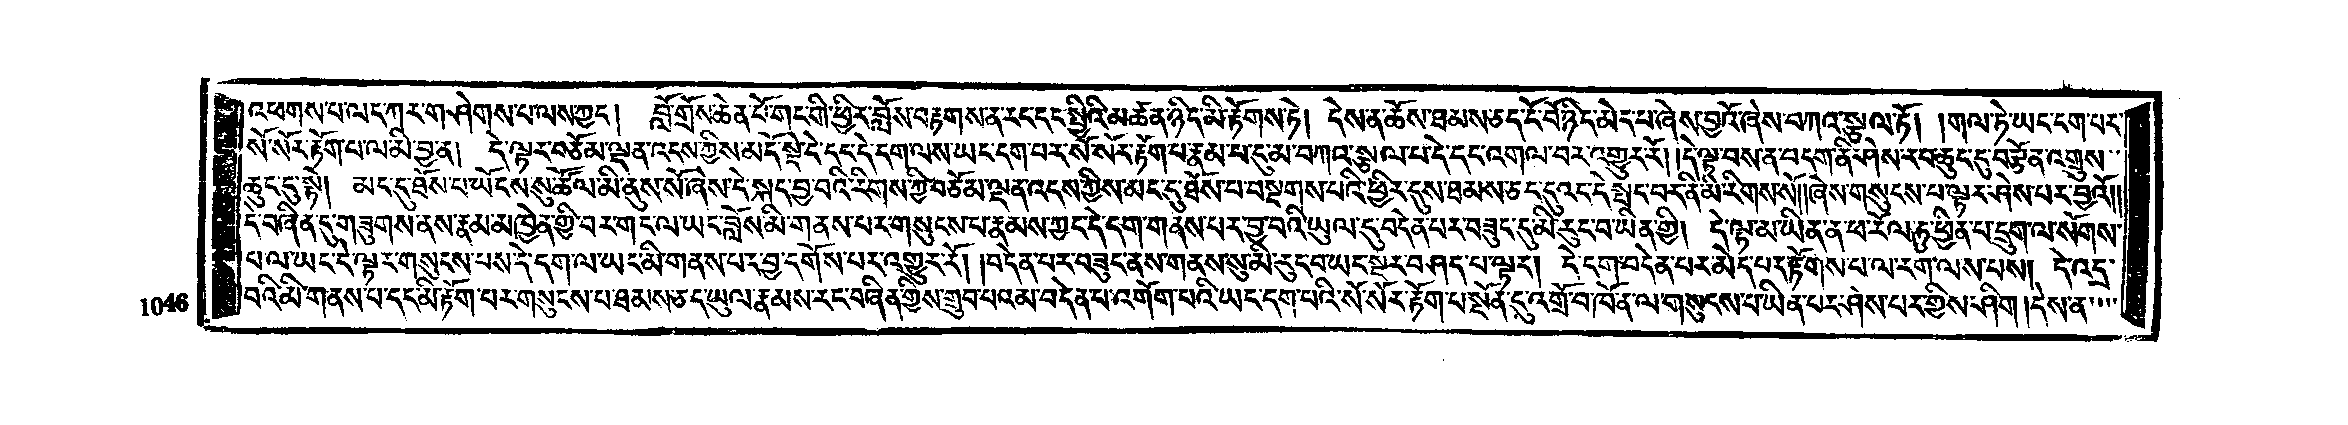འཕགས་པ་ལང་ཀར་གཤེགས་པ་ལས་ཀྱང་། བློ་གྲོས་ཆེན་པོ་གང་གི་ཕྱིར་བློས་བརྟགས་ན་རང་དང་སྤྱིའི་མཚན་ཉིད་མི་རྟོགས་ཏེ། དེས་ན་ཆོས་ཐམས་ཅད་ངོ་བོ་ཉིད་མེད་པ་ཞེས་བྱའོ་ཞེས་བཀའ་སྩལ་ཏོ། །གལ་ཏེ་ཡང་དག་པར་
སོ་སོར་རྟོག་པ་ལ་མི་བྱ་ན། དེ་ལྟར་བཅོམ་ལྡན་འདས་ཀྱིས་མདོ་སྡེ་དེ་དང་དེ་དག་ལས་ཡང་དག་པར་སོ་སོར་རྟོག་པ་རྣམ་པ་དུ་མ་བཀའ་སྩལ་པ་དེ་དང་འགལ་བར་འགྱུར་རོ། །དེ་ལྟ་བས་ན་བདག་ནི་ཤེས་རབ་ཆུང་དུ་བརྩོན་འགྲུས་
ཆུང་ངུ་སྟེ། མང་དུ་ཐོས་པ་ཡོངས་སུ་ཚོལ་མི་ནུས་སོ་ཞེས་དེ་སྐད་བྱ་བའི་རིགས་ཀྱི་བཅོམ་ལྡན་འདས་ཀྱིས་མང་དུ་ཐོས་པ་བསྔགས་པའི་ཕྱིར་དུས་ཐམས་ཅད་དུའང་དེ་སྤང་བར་ནི་མི་རིགས་སོ། །ཞེས་གསུངས་པ་ལྟར་ཤེས་པར་བྱའོ།།
དེ་བཞིན་དུ་གཟུགས་ནས་རྣམ་མཁྱེན་གྱི་བར་གང་ལ་ཡང་བློས་མི་གནས་པར་གསུངས་པ་རྣམས་ཀྱང་དེ་དག་གནས་པར་བྱ་བའི་ཡུལ་དུ་བདེན་པར་བཟུང་དུ་མི་རུང་བ་ཡིན་གྱི། དེ་ལྟ་མ་ཡིན་ན་ཕ་རོལ་ཏུ་ཕྱིན་པ་དྲུག་ལ་སོགས་
པ་ལ་ཡང་དེ་ལྟར་གསུངས་པས་དེ་དག་ལ་ཡང་མི་གནས་པར་བྱ་དགོས་པར་འགྱུར་རོ། །བདེན་པར་བཟུང་ནས་གནས་སུ་མི་རུང་བ་ཡང་སྔར་བཤད་པ་ལྟར། དེ་དག་བདེན་པར་མེད་པར་རྟོགས་པ་ལ་རག་ལས་པས། དེ་འདྲ་
བའི་མི་གནས་པ་དང་མི་རྟོག་པར་གསུངས་པ་ཐམས་ཅད་ཡུལ་རྣམས་རང་བཞིན་གྱིས་གྲུབ་པའམ་བདེན་པ་འགོག་པའི་ཡང་དག་པའི་སོ་སོར་རྟོག་པ་སྔོན་དུ་འགྲོ་བ་ཁོ་ན་ལ་གསུངས་པ་ཡིན་པར་ཤེས་པར་གྱིས་ཤིག །དེས་ན་